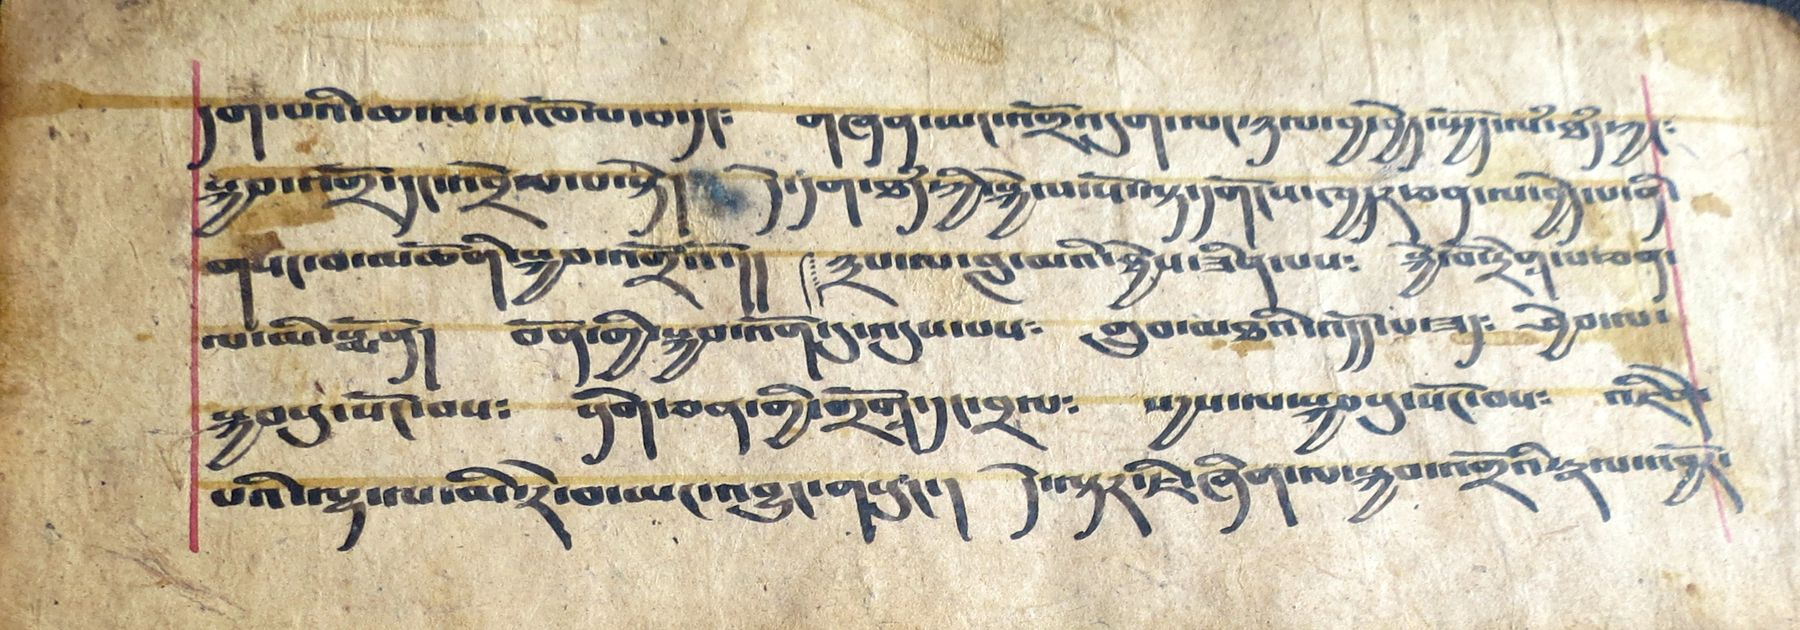དག་པའི་ཆ་ལ་འཁོལ་བ་དང་། གཞན་ཡང་འགྲོ་འདུག་ལངས་ཉལ་བྱ་བྱེད་སྤྱོད་ལམ་ཐམས་ཅད་ཀྱང་། 
སྐྱབས་འགྲོ་དང་འབྲེལ་བ་སྟེ་དེ་དག་ཐམས་ཅད་ཀྱི་སྐྱེལ་སོ་ལྟ་དགོངས་ཁྱད་པར་ཅན་ལ་བྱེད་པ་ནི་
གསང་བ་མཆོག་གིས་སྐྱབས་འགྲོའོ། ། གསུམ་པ་ལ་བླ་མས་ཐུགས་རྗེས་ཟིན་པས་སྐྱེ་བོ་དྲེགས་པ་ཅན་
ལ་མི་སྨོན། བོན་གྱི་སྐྱབས་འོག་ཏུ་འདུས་ནས་གྲུབ་མཐའི་འདོད་པ་ཟད། གཤེན་རབས་ལ་
སྐྱབས་སུ་སོང་བས་སྡིག་ཅན་གྱི་གྲོགས་དང་བྲལ། སངས་རྒྱས་ལ་སྐྱབས་སུ་སོང་བས་འཇིག་རྟེན་
པའི་ལྷ་ལ་མི་རེ་བ་ཡང་འབྱུང་གསུངས། དེ་ལྟར་ཇི་ཞིག་ལ་སྐྱབས་འགྲོའི་རྣལ་འབྱོར་